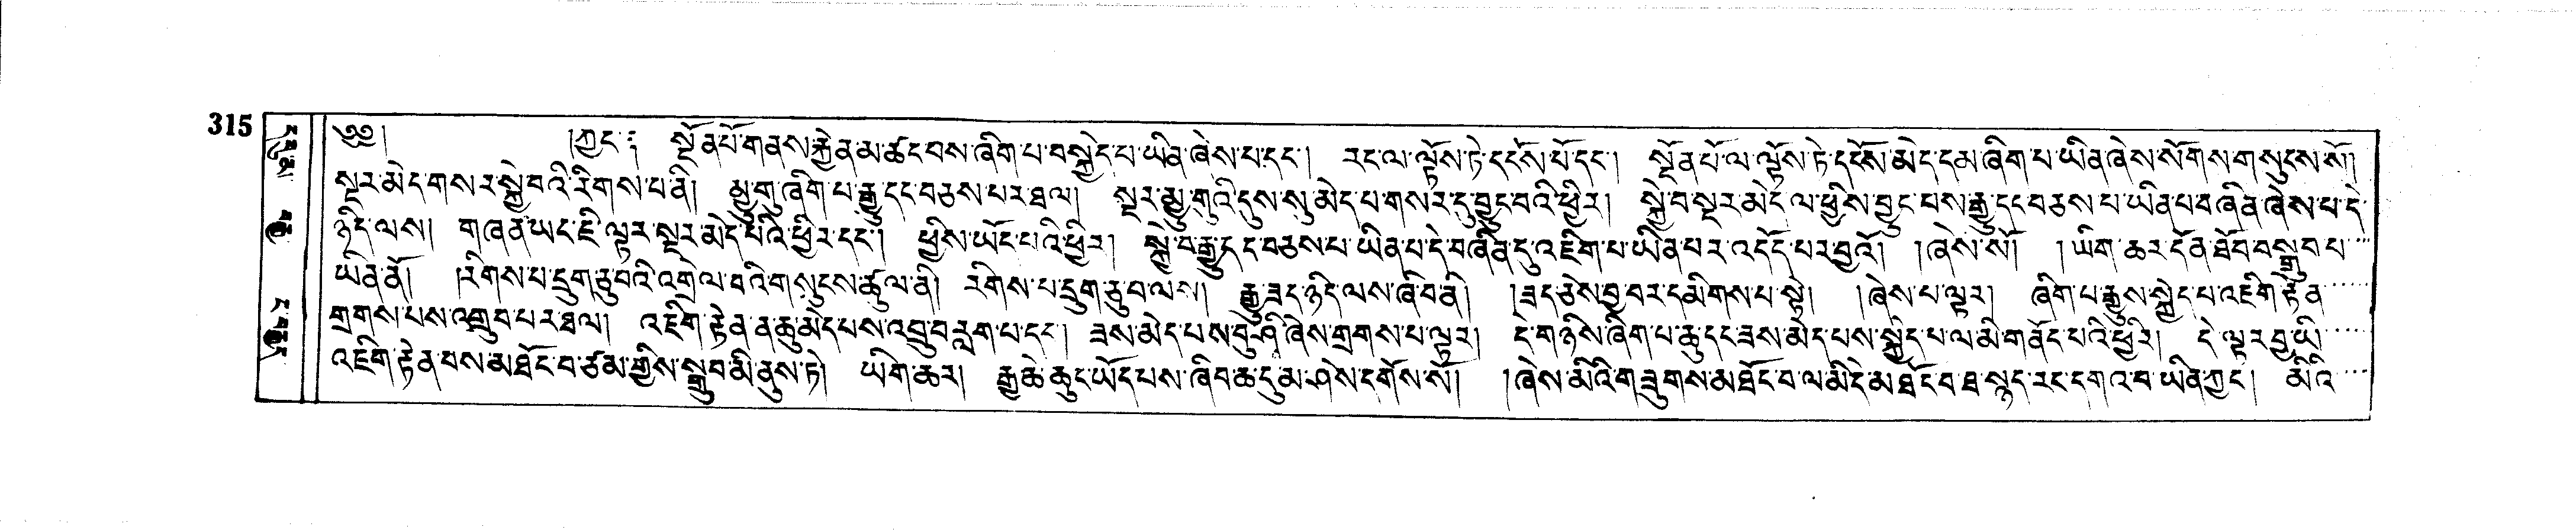༄༅། །ཀྱང༑ སྔོན་པོ་གནས་རྐྱེན་མ་ཚང་བས་ཞིག་པ་བསྐྱེད་པ་ཡིན་ཞེས་པ་དང་། རང་ལ་ལྟོས་ཏེ་དངོས་པོ་དང་། སྔོན་པོ་ལ་ལྟོས་ཏེ་དངོས་མེད་དམ་ཞིག་པ་ཡིན་ཞེས་སོགས་གསུངས་སོ། སྔར་མེད་གསར་སྐྱེ་བའི་རིགས་པ་ནི། མྱུ་གུ་ཞིག་པ་རྒྱུ་དང་བཅས་པར་ཐལ། སྔར་མྱུ་གུའི་དུས་སུ་མེད་པ་གསར་དུ་བྱུང་བའི་ཕྱིར། སྐྱེ་བ་སྔར་མེད་ལ་ཕྱིས་བྱུང་བས་རྒྱུ་དང་བཅས་པ་ཡིན་པ་བཞིན་ཞེས་པ་དེ་
ཉིད་ལས། གཞན་ཡང་ཇི་ལྟར་སྔར་མེད་པའི་ཕྱིར་དང་། ཕྱིས་ཡོད་པའི་ཕྱིར། སྐྱེ་བ་རྒྱུ་དང་བཅས་པ་ཡིན་པ་དེ་བཞིན་དུ་འཇིག་པ་ཡིན་པར་འདོད་པར་བྱའོ། །ཞེས་སོ། །ཡིག་ཆར་དོན་ཐོབ་བསྒྲུབ་པ་
ཡིན་ནོ། །རིགས་པ་དྲུག་ཅུ་བའི་འགྲེལ་བའི་གསུངས་ཚུལ་ནི། རིགས་པ་དྲུག་ཅུ་པ་ལས། རྒྱུ་ཟད་ཉིད་ལས་ཞི་བ་ནི། །ཟད་ཅེས་བྱ་བར་དམིགས་པ་སྟེ། །ཞེས་པ་ལྟར། ཞིག་པ་རྒྱུས་སྐྱེད་པ་འཇིག་རྟེན་
གྲགས་པས་འགྲུབ་པར་ཐལ། འཇིག་རྟེན་ན་ཆུ་མེད་པས་འབྲུ་བ་རླག་པ་དང་། ཟས་མེད་པས་བུ་ཤི་ཞེས་གྲགས་པ་ལྟར། དེ་གཉིས་ཞིག་པ་ཆུ་དང་ཟས་མེད་པས་སྐྱེད་པ་ལ་མི་གནོད་པའི་ཕྱིར། དེ་ལྟར་བྱ་ཡི་
འཇིག་རྟེན་པས་མཐོང་བ་ཙམ་གྱིས་སྒྲུབ་མི་ནུས་ཏེ། ཡིག་ཆར། རྒྱ་ཆེ་ཆུང་ཡོད་པས་ཞིབ་ཆ་དུ་མ་ཤེས་དགོས་སོ། །ཞེས་མིའི་གཟུགས་མཐོང་བ་ལ་མི་དེ་མཐོང་བ་ཐ་སྙད་རང་དགའ་བ་ཡིན་ཀྱང་། མིའི་